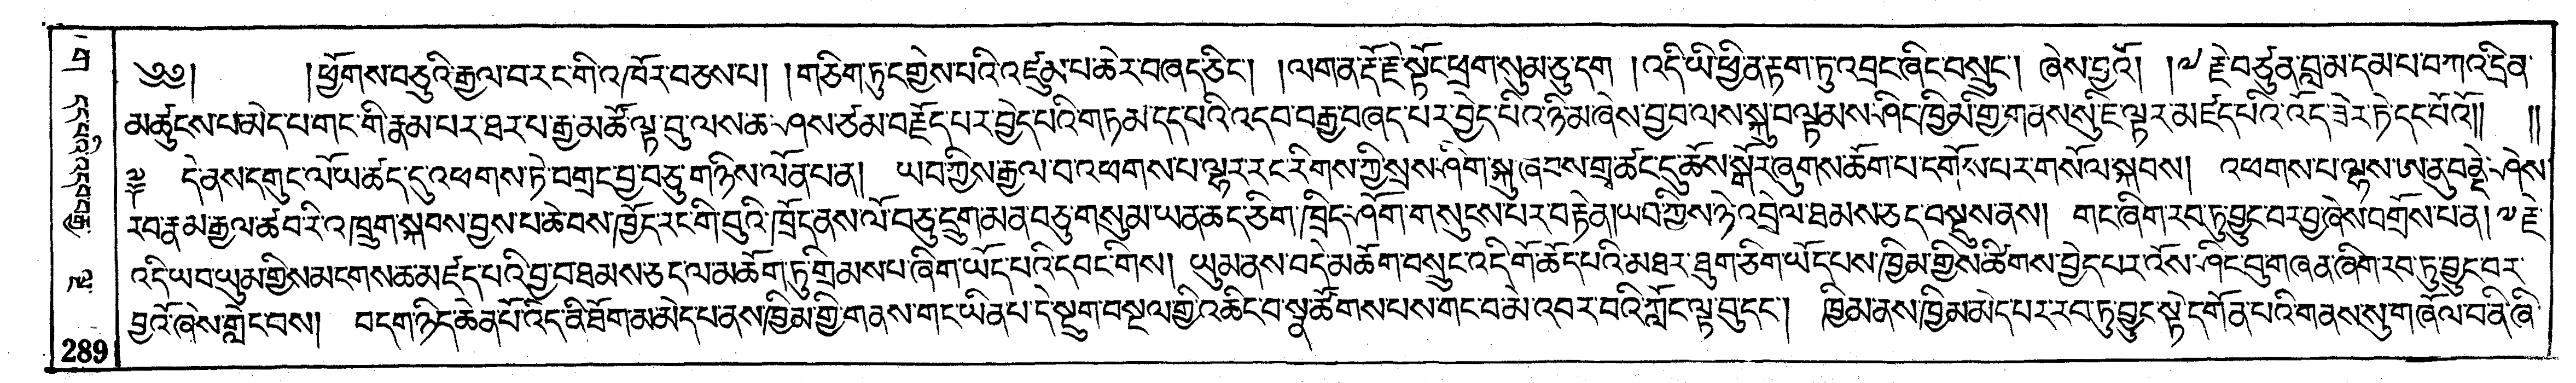༄༅། །ཕྱོགས་བཅུའི་རྒྱལ་བ་རང་གི་འཁོར་བཅས་པ། །གཅིག་ཏུ་དགྱེས་པའི་འཛུམ་པ་ཆེར་བཞད་ཅིང་། །ལག་ན་རྡོ་རྗེ་སྟོང་ཕྲག་གསུམ་ཅུ་དག །འདི་ཡི་ཕྱིན་རྟག་ཏུ་འབྲང་ཞིང་བསྲུང་། ཞེས་བྱའོ། ༧་རྗེ་བཙུན་བླ་མ་དམ་པ་བཀའ་དྲིན་
མཚུངས་པ་མེད་པ་གང་གི་རྣམ་པར་ཐར་པ་རྒྱ་མཚོ་ལྟ་བུ་ལས་ཆ་ཤས་ཙམ་བརྗོད་པར་བྱེད་པའི་གཏམ་དད་པའི་འདབ་བརྒྱ་བཞད་པར་བྱེད་པའི་ཉི་མ་ཞེས་བྱ་བ་ལས་སྐུ་བལྟམས་ཤིང་ཁྱིམ་གྱི་གནས་སུ་ཇི་ལྟར་མཛད་པའི་འོད་ཟེར་ཏེ་དང་པོའོ།། །།
༈ དེ་ནས་དགུང་ལོ་ཡ་ཚད་དུ་འཕགས་ཏེ་བགྲང་བྱ་བཅུ་གཉིས་ལོན་པ་ན། ཡབ་ཀྱིས་རྒྱལ་བ་འཕགས་པ་ལྷར་རང་རིགས་ཀྱི་སྲས་ཤིག་སྐུ་ཞབས་གྲྭ་ཚང་དུ་ཆོས་སྒོར་ཞུགས་ཆོག་པ་དགོས་པར་གསོལ་སྐབས། འཕགས་པ་ལྷས་ཨ་ནུ་བནྡེ་ཤས་
རབ་རྣམ་རྒྱལ་ཚབ་རི་འཁྲུག་སྐབས་བྱས་པ་ཆེ་བས་ཁྱོད་རང་གི་བུའི་ཁྲོད་ནས་ལོ་བཅུ་དྲུག་མན་བཅུ་གསུམ་ཡན་ཆད་ཅིག་ཁྲིད་ཤོག་གསུངས་པར་བརྟེན། ཡབ་ཀྱིས་ཉེ་འབྲེལ་ཐམས་ཅད་བསྡུས་ནས། གང་ཞིག་རབ་ཏུ་བྱུང་བར་བྱ་ཞེས་བགྲོས་པ་ན། ༧་རྗེ་
འདི་ཡབ་ཡུམ་གྱིས་མངགས་ཆ་མཛད་པའི་བྱ་བ་ཐམས་ཅད་ལ་མཆོག་ཏུ་གྲིམས་པ་ཞིག་ཡོད་པའི་དབང་གིས། ཡུམ་ནས་བདེ་མཆོག་བསྲུང་འདི་གོ་ཆོད་པའི་མཐར་ཐུག་ཅིག་ཡོད་པས་ཁྱིམ་གྱི་སོ་ཚིགས་བྱེད་པར་འོས་ཤིང་བུ་གཞན་ཞིག་རབ་ཏུ་བྱུང་བར་
བྱའོ་ཞེས་གླེང་བས། བདག་ཉིད་ཆེན་པོ་འདི་ནི་ཐོག་མ་མེད་པ་ནས་ཁྱིམ་གྱི་གནས་གང་ཡིན་པ་དེ་སྡུག་བསྔལ་གྱི་འཆིང་བ་སྣ་ཚོགས་པས་གར་བ་མེ་འབར་བའི་ཀློང་ལྟ་བུ་དང་། ཁྱིམ་ནས་ཁྱིམ་མེད་པར་རབ་ཏུ་བྱུང་སྟེ་དགོན་པའི་གནས་སུ་གཞོལ་བ་ནི་ཞི་